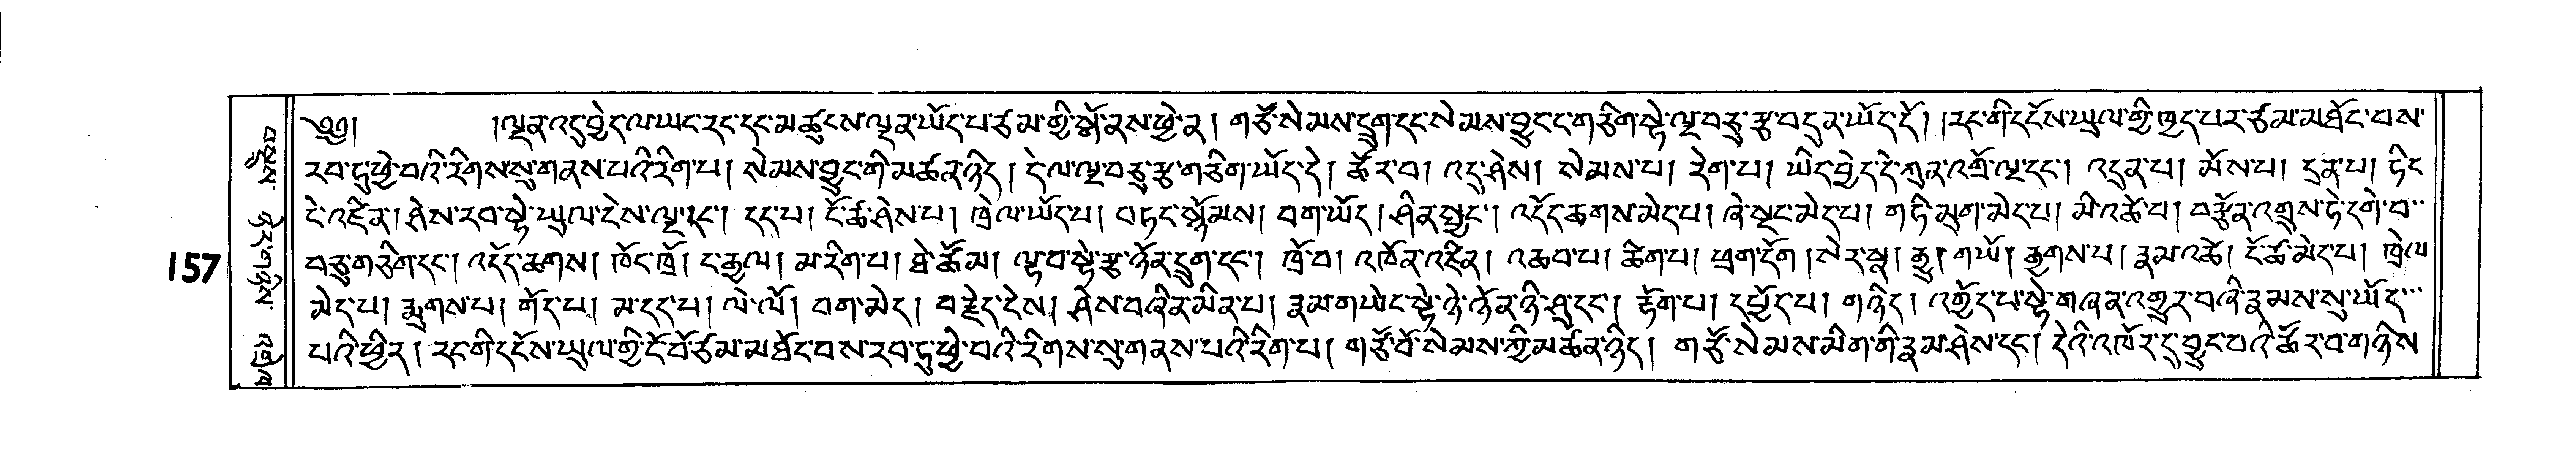༄༅། །ལྡན་འདུ་བྱེད་ལ་ཡང་རང་དང་མཚུངས་ལྡན་ཡོད་པ་ཙམ་གྱི་སྒོ་ནས་ཕྱེ་ན། གཙོ་སེམས་དྲུག་དང་སེམས་བྱུང་ང་གཅིག་སྟེ་ལྔ་བཅུ་རྩ་བདུན་ཡོད་དོ། །རང་གི་དངོས་ཡུལ་གྱི་ཁྱད་པར་ཙམ་མཐོང་བས་
རབ་ཏུ་ཕྱེ་བའི་རིགས་སུ་གནས་པའི་རིག་པ། སེམས་འབྱུང་གི་མཚན་ཉིད། དེ་ལ་ལྔ་བཅུ་རྩ་གཅིག་ཡོད་དེ། ཚོར་བ། འདུ་ཤེས། སེམས་པ། རེག་པ། ཡིད་བྱེད་དེ་ཀུན་འགྲོ་ལྔ་དང་། འདུན་པ། མོས་པ། དྲན་པ། ཏིང་
ངེ་འཛིན། ཤེས་རབ་སྟེ་ཡུལ་ངེས་ལྔ་དང་། དད་པ། ངོ་ཚ་ཤེས་པ། ཁྲེལ་ཡོད་པ། བཏང་སྙོམས། བག་ཡོད། ཤིན་སྦྱང་། འདོད་ཆགས་མེད་པ། ཞེ་སྡང་མེད་པ། གཏི་མུག་མེད་པ། མི་འཚོ་བ། བརྩོན་འགྲུས་ཏེ་དགེ་བ་
བཅུ་གཅིག་དང་། འདོད་ཆགས། ཁོང་ཁྲོ། ང་རྒྱལ། མ་རིག་པ། ཐེ་ཚོམ། ལྟ་བ་སྟེ་རྩ་ཉོན་དྲུག་དང་། ཁྲོ་བ། འཁོན་འཛིན། འཆབ་པ། ཚིག་པ། ཕྲག་དོག །སེར་སྣ། རྒྱུ། གཡོ། རྒྱགས་པ། རྣམ་འཚེ། ངོ་ཚ་མེད་པ། ཁྲེལ་
མེད་པ། རྨྲགས་པ། གོད་པ། མ་དད་པ། ལེ་ལོ། བག་མེད། བརྗེད་ངེས། ཤེས་བཞིན་མིན་པ། རྣམ་གཡེང་སྟེ་ཉེ་ཉོན་ཉི་ཤུ་དང་། རྟོག་པ། དཔྱོད་པ། གཉིད། འགྱོད་པ་སྟེ་གཞན་འགྱུར་བཞི་རྣམས་སུ་ཡོད་
པའི་ཕྱིར། རང་གི་དངོས་ཡུལ་གྱི་ངོ་བོ་ཙམ་མཐོང་བས་རབ་ཏུ་ཕྱེ་བའི་རིགས་སུ་གནས་པའི་རིག་པ། གཙོ་བོ་སེམས་ཀྱི་མཚན་ཉིད། གཙོ་སེམས་མིག་གི་རྣམ་ཤེས་དང་། དེའི་འཁོར་དུ་བྱུང་བའི་ཚོར་བ་གཉིས་